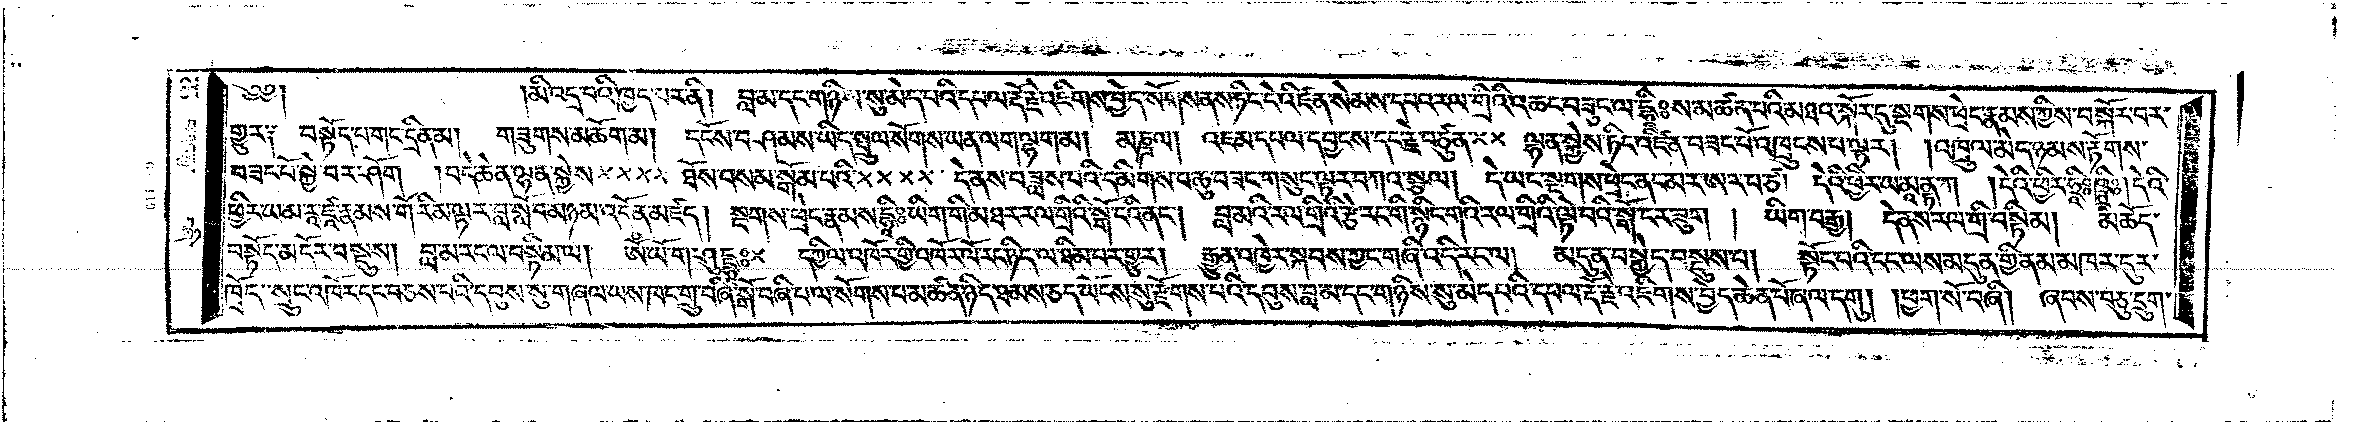༄༅། །མི་འདྲ་བའི་ཁྱད་པར་ནི། བླ་མ་དང་གཉིས་སུ་མེད་པའི་དཔལ་རྡོ་རྗེ་འཇིགས་བྱེད་སོགས་ནས་ཏིང་ངེ་འཛིན་སེམས་དཔའ་རལ་གྲིའི་འཆང་བཟུང་ལ་དྷཱིཿས་མཚན་པའི་མཐའ་སྐོར་དུ་སྔགས་ཕྲེང་རྣམས་ཀྱིས་བསྐོར་བར་
གྱུར༑ བསྟོད་པ་གང་དྲིན་མ། གཟུགས་མཆོག་མ། དངོས་བཤམས་ཡིད་སྤྲུལ་སོགས་ཡན་ལག་ལྷག་མ། མཎྜལ། འཇམ་དཔལ་དབྱངས་དང་རྗེ་བཙུན་྾་྾་ལྷན་སྐྱེས་ཏིང་འཛིན་བཟང་པོ་འཁྲུངས་པ་ལྟར། །འཁྲུལ་མེད་ཉམས་རྟོགས་
བཟང་པོ་སྐྱེ་བར་ཤོག །བདེ་ཆེན་ལྷན་སྐྱེས་྾་྾་྾་྾་ཐོས་བསམ་སྒོམ་པའི་྾་྾་྾་྾་དེ་ནས་བཟླས་པའི་དམིགས་བ་ཆུ་བཟང་གསུང་ལྟར་བཀའ་སྩལ། དེ་ཡང་སྔགས་ཕྲེང་ནང་མར་ཨ་ར་པ་ཙ། དེའི་ཕྱིར་ཡ་མཱནྟ་ཀ །དེའི་ཕྱིར་ཧྲཱིཿཥྚྲཱིཿ །དེའི་
ཕྱིར་ཡ་མ་རཱ་ཛཱ་རྣམས་གོ་རིམ་ལྟར་བླ་སློ་བ་མཉམ་འདོན་མཛད། སྔགས་ཕྲེང་རྣམས་དྷཱིཿཡིག་གི་མཐར་རལ་གྲིའི་སྒོ་ངའི་ནང་། བླ་མའི་རལ་གྲིའི་རྩེ་རང་གི་སྙིང་གའི་རལ་གྲིའི་ལྟེ་བའི་སྒོ་ངར་ཟུག །ཡིག་བརྒྱ། དེ་ནས་རལ་གྲི་བསྟིམ། མཆོད་
བསྟོད་མདོར་བསྡུས། བླ་མ་རང་ལ་བསྟིམ་ལ། ཨོཾ་ཡོ་ག་ཤུདྡྷཿ྾་དཀྱིལ་འཁོར་གྱི་འཁོར་ལོ་རང་ཉིད་ལ་ཐིམ་པར་གྱུར། རྒྱུན་འཁྱེར་སྐབས་ཀྱང་གཞི་འདི་རང་ལ། མདུན་བསྐྱེད་བསྡུས་པ། སྟོང་པའི་ངང་ལས་མདུན་གྱི་ནམ་མཁར་དུར་
ཁྲོད་སྲུང་འཁོར་དང་བཅས་པའི་དབུས་སུ་གཞལ་ཡས་ཁང་གྲུ་བཞི་སྒོ་བཞི་པ་ལ་སོགས་པ་མཚན་ཉིད་ཐམས་ཅད་ཡོངས་སུ་རྫོགས་པའི་དབུས་བླ་མ་དང་གཉིས་སུ་མེད་པའི་དཔལ་རྡོ་རྗེ་འཇིགས་བྱེད་ཆེན་པོ་ཞལ་དགུ། །ཕྱག་སོ་བཞི། ཞབས་བཅུ་དྲུག་